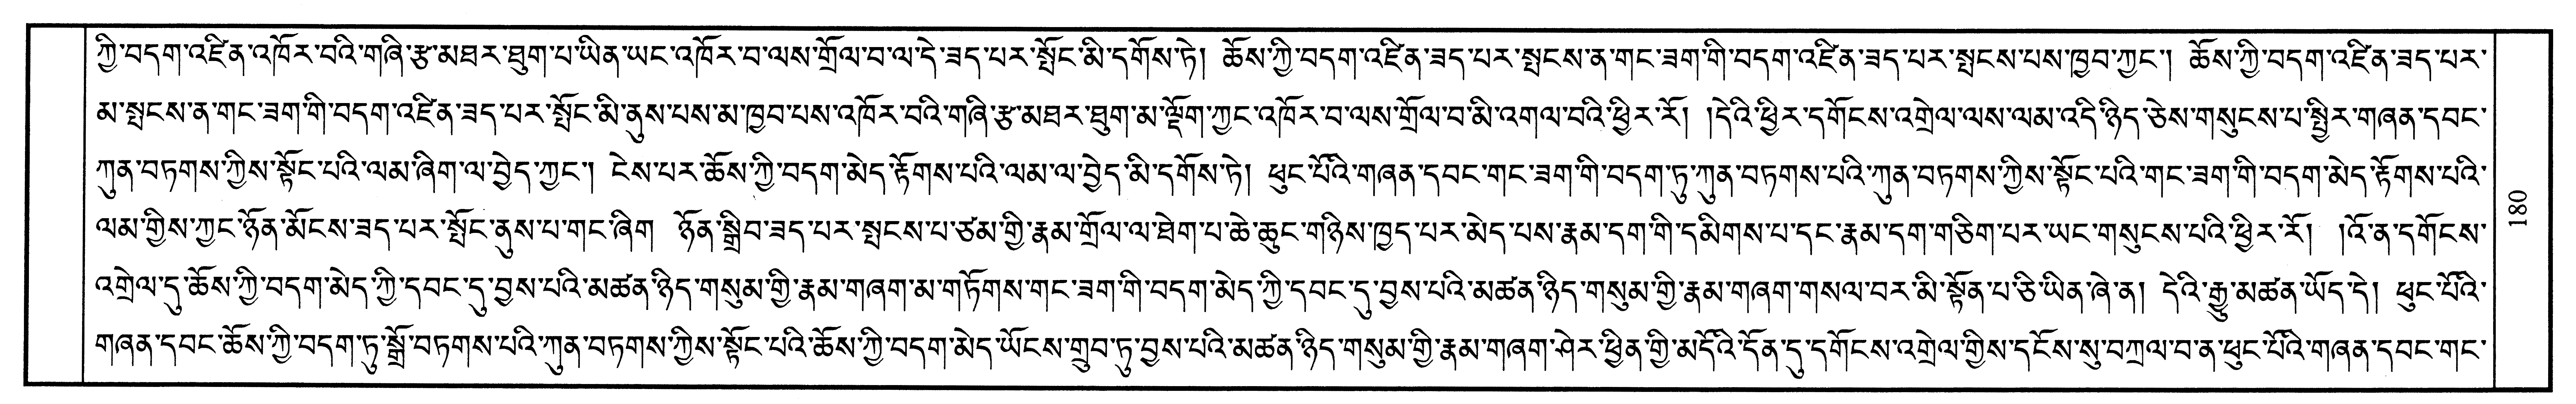ཀྱི་བདག་འཛིན་འཁོར་བའི་གཞི་རྩ་མཐར་ཐུག་པ་ཡིན་ཡང་འཁོར་བ་ལས་གྲོལ་བ་ལ་དེ་ཟད་པར་སྤོང་མི་དགོས་ཏེ། ཆོས་ཀྱི་བདག་འཛིན་ཟད་པར་སྤངས་ན་གང་ཟག་གི་བདག་འཛིན་ཟད་པར་སྤངས་པས་ཁྱབ་ཀྱང་། ཆོས་ཀྱི་བདག་འཛིན་ཟད་པར་
མ་སྤངས་ན་གང་ཟག་གི་བདག་འཛིན་ཟད་པར་སྤོང་མི་ནུས་པས་མ་ཁྱབ་པས་འཁོར་བའི་གཞི་རྩ་མཐར་ཐུག་མ་ལྡོག་ཀྱང་འཁོར་བ་ལས་གྲོལ་བ་མི་འགལ་བའི་ཕྱིར་རོ། །དེའི་ཕྱིར་དགོངས་འགྲེལ་ལས་ལམ་འདི་ཉིད་ཅེས་གསུངས་པ་སྤྱིར་གཞན་དབང་
ཀུན་བཏགས་ཀྱིས་སྟོང་པའི་ལམ་ཞིག་ལ་བྱེད་ཀྱང་། ངེས་པར་ཆོས་ཀྱི་བདག་མེད་རྟོགས་པའི་ལམ་ལ་བྱེད་མི་དགོས་ཏེ། ཕུང་པོའི་གཞན་དབང་གང་ཟག་གི་བདག་ཏུ་ཀུན་བཏགས་པའི་ཀུན་བཏགས་ཀྱིས་སྟོང་པའི་གང་ཟག་གི་བདག་མེད་རྟོགས་པའི་
ལམ་གྱིས་ཀྱང་ཉོན་མོངས་ཟད་པར་སྤོང་ནུས་པ་གང་ཞིག །ཉོན་སྒྲིབ་ཟད་པར་སྤངས་པ་ཙམ་གྱི་རྣམ་གྲོལ་ལ་ཐེག་པ་ཆེ་ཆུང་གཉིས་ཁྱད་པར་མེད་པས་རྣམ་དག་གི་དམིགས་པ་དང་རྣམ་དག་གཅིག་པར་ཡང་གསུངས་པའི་ཕྱིར་རོ། །འོ་ན་དགོངས་
འགྲེལ་དུ་ཆོས་ཀྱི་བདག་མེད་ཀྱི་དབང་དུ་བྱས་པའི་མཚན་ཉིད་གསུམ་གྱི་རྣམ་གཞག་མ་གཏོགས་གང་ཟག་གི་བདག་མེད་ཀྱི་དབང་དུ་བྱས་པའི་མཚན་ཉིད་གསུམ་གྱི་རྣམ་གཞག་གསལ་བར་མི་སྟོན་པ་ཅི་ཡིན་ཞེ་ན། དེའི་རྒྱུ་མཚན་ཡོད་དེ། ཕུང་པོའི་
གཞན་དབང་ཆོས་ཀྱི་བདག་ཏུ་སྒྲོ་བཏགས་པའི་ཀུན་བཏགས་ཀྱིས་སྟོང་པའི་ཆོས་ཀྱི་བདག་མེད་ཡོངས་གྲུབ་ཏུ་བྱས་པའི་མཚན་ཉིད་གསུམ་གྱི་རྣམ་གཞག་ཤེར་ཕྱིན་གྱི་མདོའི་དོན་དུ་དགོངས་འགྲེལ་གྱིས་དངོས་སུ་བཀྲལ་བ་ན་ཕུང་པོའི་གཞན་དབང་གང་